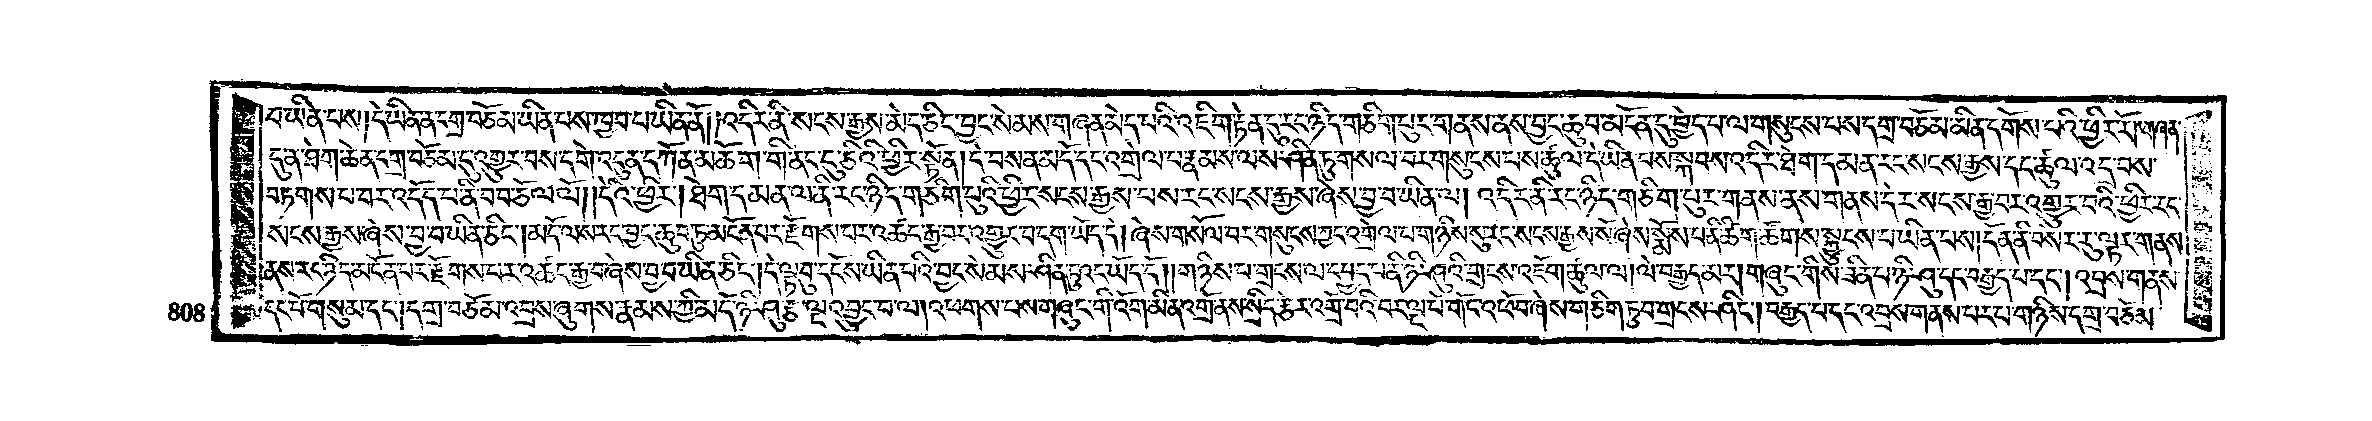བ་ཡིན་པས། དེ་ཡིན་ན་དགྲ་བཅོམ་ཡིན་པས་ཁྱབ་པ་ཡིན་ནོ། །འདིར་ནི་སངས་རྒྱས་མེད་ཅིང་བྱང་སེམས་གཞན་མེད་པའི་འཇིག་རྟེན་དུ་རང་ཉིད་གཅིག་པུར་གནས་ནས་བྱང་ཆུབ་མངོན་དུ་བྱེད་པ་ལ་གསུངས་པས་དགྲ་བཅོམ་མིན་དགོས་པའི་ཕྱིར་རོ། གཞན་
དུ་ན་ཐེག་ཆེན་དགྲ་བཅོམ་དུ་འགྱུར་བས་དགེ་འདུན་དཀོན་མཆོག་གི་ནང་དུ་ཅིའི་ཕྱིར་སྟོན། དེ་བས་ན་མདོ་དང་འགྲེལ་པ་རྣམས་ལས་ཤིན་ཏུ་གསལ་བར་གསུངས་པས་ཚུལ་དེ་ཡིན་པས་སྐབས་འདིར་ཐེག་དམན་རང་སངས་རྒྱས་དང་ཚུལ་འདྲ་བས་
བཏགས་པ་བར་འདོད་པ་ནི་བབ་ཅོལ་ལོ། །དེའི་ཕྱིར། ཐེག་དམན་ལ་ནི་རང་ཉིད་གཅིག་པུའི་ཕྱིར་སངས་རྒྱས་པས་རང་སངས་རྒྱས་ཞེས་བྱ་བ་ཡིན་ལ། འདིར་ནི་རང་ཉིད་གཅིག་པུར་གནས་ནས་གནས་དེར་སངས་རྒྱ་བར་འགྱུར་བའི་ཕྱིར་རང་
སངས་རྒྱས་ཞེས་བྱ་བ་ཡིན་ཅིང་། མདོ་ལས་རང་བྱང་ཆུབ་ཏུ་མངོན་པར་རྫོགས་པར་འཚང་རྒྱ་བར་འགྱུར་བ་དག་ཡོད་དེ། ཞེས་གསོལ་བར་གསུངས་ཀྱང་འགྲེལ་པ་གཉིས་སུ་རང་སངས་རྒྱས་སོ་ཞེས་སྨོས་པ་ནི་ཚིག་ཚོགས་སྐྱུངས་པ་ཡིན་པས། དོན་ནི་བསེར་རུ་ལྟར་གནས་
ནས་རང་ཉིད་མངོན་པར་རྫོགས་པར་འཚང་རྒྱ་བ་ཞེས་བྱ་བ་ཡིན་ཅིང་། དེ་ལྟ་བུ་དངོས་ཡིན་པའི་བྱང་སེམས་ཤིན་ཏུའང་ཡོད་དོ། །གཉིས་པ་གྲངས་ལ་དཔྱད་པ་ནི་ཉི་ཤུའི་གྲངས་འཇོག་ཚུལ་ལ། ལེ་བརྒྱད་མར། གཞུང་གིས་ཟིན་པ་ཉི་ཤུ་དང་བརྒྱད་པ་དང་། འབྲས་གནས་
དང་པོ་གསུམ་དང་། དགྲ་བཅོམ་འབྲས་ཞུགས་རྣམས་ཀྱི་མདོ་ཉི་ཤུ་རྩ་ལྔ་འབྱུང་བ་ལ། འཕགས་པས་གཞུང་གི་འོག་མིན་འགྲོ་ནས་སྲིད་རྩེར་འགྲོ་བའི་བར་ལྔ་པོ་གོང་འཕོབ་ཞེས་གཅིག་ཏུབ་གྲངས་ཤིང་། བརྒྱད་པ་དང་འབྲས་གནས་པར་པ་གཉིས་དགྲ་བཅོམ་